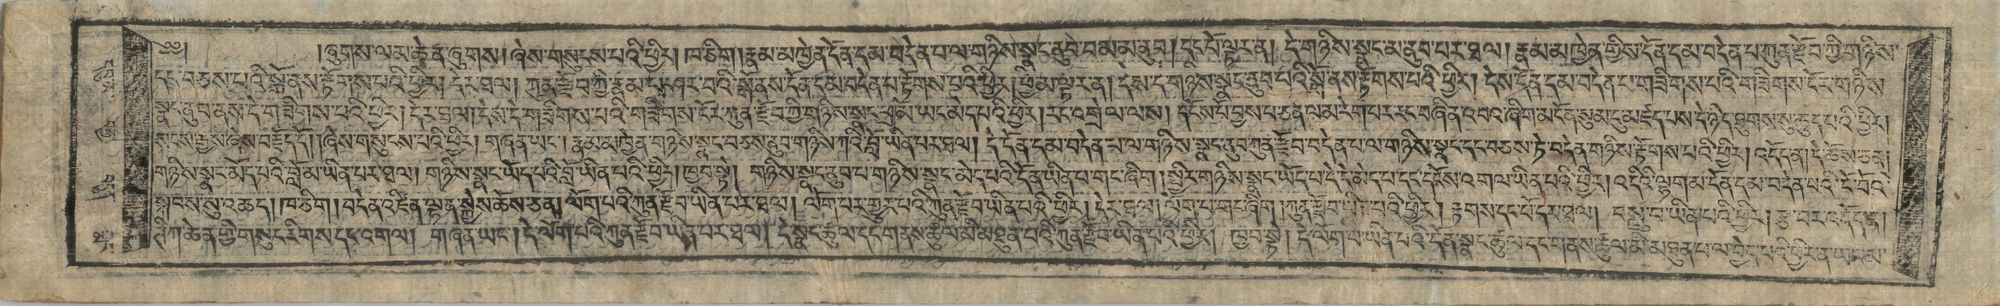༄༅། །ཞུགས་ལམ་ཆེན་ཞུགས། ཞེས་གསུངས་པའི་ཕྱིར། ཁ་ཅིག །རྣམ་མཁྱེན་དོན་དམ་བདེན་པ་ལ་གཉིས་སྣང་ནུབ་བམ་མ་ནུབ། དང་པོ་ལྟར་ན། དེ་གཉིས་སྣང་མ་ནུབ་བར་ཐལ། རྣམ་མཁྱེན་གྱིས་དོན་དམ་བདེན་པ་ཀུན་རྫོབ་ཀྱི་གཉིས་
དང་བཅས་པའི་སྒོ་ནས་རྟོགས་པའི་ཕྱིར། དེར་ཐལ། ཀུན་རྫོབ་ཀྱི་རྣམ་པ་ཤར་བའི་སྒོ་ནས་དོན་དམ་བདེན་པ་རྟོགས་པའི་ཕྱིར། ཕྱི་མ་ལྟར་ན། དེས་དེ་གཉིས་སྣང་ནུབ་པའི་སྒོ་ནས་རྟོགས་པའི་ཕྱིར། དེས་དོན་དམ་བདེན་པ་གཟིགས་པའི་གཟིགས་ངོར་གཉིས་
སྣང་ནུབ་ནས་དེ་གཟིགས་པའི་ཕྱིར། དེར་ཐལ། དེས་དེ་གཟིགས་པའི་གཟིགས་ངོར་ཀུན་རྫོབ་ཀྱི་གཉིས་སྣང་ཕྲ་མོ་ཡང་མེད་པའི་ཕྱིར། རང་འགྲེལ་ལས། དངོས་པོ་བྱས་པ་ཅན་ལ་མ་རེག་པར་རང་བཞིན་འབའ་ཞིག་མངོན་སུམ་དུ་མཛད་པས་དེ་ཉིད་ཐུགས་སུ་ཆུད་པའི་ཕྱིར།
སངས་རྒྱས་ཞེས་བརྗོད་དོ། །ཞེས་གསུངས་པའི་ཕྱིར། གཞན་ཡང་། རྣམ་མཁྱེན་གཉིས་སྣང་བཅས་ནུབ་གཉིས་ཀའི་བློ་ཡིན་པར་ཐལ། དེ་དོན་དམ་བདེན་པ་ལ་གཉིས་སྣང་ནུབ་ཀུན་རྫོབ་བདེན་པ་ལ་གཉིས་སྣང་དང་བཅས་ཏེ་བདེན་གཉིས་རྟོགས་པའི་ཕྱིར། འདོད་ན། དེ་ཆོས་ཅན།
གཉིས་སྣང་མེད་པའི་བློ་མ་ཡིན་པར་ཐལ། གཉིས་སྣང་ཡོད་པའི་བློ་ཡིན་པའི་ཕྱིར། ཁྱབ་སྟེ། གཉིས་སྣང་ནུབ་པ་གཉིས་སྣང་མེད་པའི་དོན་ཡིན་པ་གང་ཞིག །སྤྱིར་གཉིས་སྣང་ཡོད་པ་དེ་དེ་མེད་པ་དང་དངོས་འགལ་ཡིན་པའི་ཕྱིར། འདིའི་ལྷག་མ་དོན་དམ་བདེན་པའི་ངོ་བོའི་
སྐབས་སུ་འཆད། ཁ་ཅིག །བདེན་འཛིན་ལྷན་སྐྱེས་ཆོས་ཅན། ལོག་པའི་ཀུན་རྫོབ་ཡིན་པར་ཐལ། ལོག་པར་གྱུར་པའི་ཀུན་རྫོབ་ཡིན་པའི་ཕྱིར། དེར་ཐལ། ལོག་པ་གང་ཞིག །ཀུན་རྫོབ་ཡིན་པའི་ཕྱིར། རྟགས་དང་པོ་དེར་ཐལ། བསླུ་བ་ཡིན་པའི་ཕྱིར། རྩ་བར་འདོད་ན།
ཊིཀཆེན་གྱི་གསུང་རིགས་དང་འགལ། གཞན་ཡང་། དེ་ལོག་པའི་ཀུན་རྫོབ་ཡིན་པར་ཐལ། དེ་སྣང་ཚུལ་དང་གནས་ཚུལ་མི་མཐུན་པའི་ཀུན་རྫོབ་ཡིན་པའི་ཕྱིར། ཁྱབ་སྟེ། དེ་ལོག་པ་ཡིན་པའི་དོན་སྣང་ཚུལ་དང་གནས་ཚུལ་མི་མཐུན་པ་ལ་བྱེད་པའི་ཕྱིར་ན་ཡང་མ་